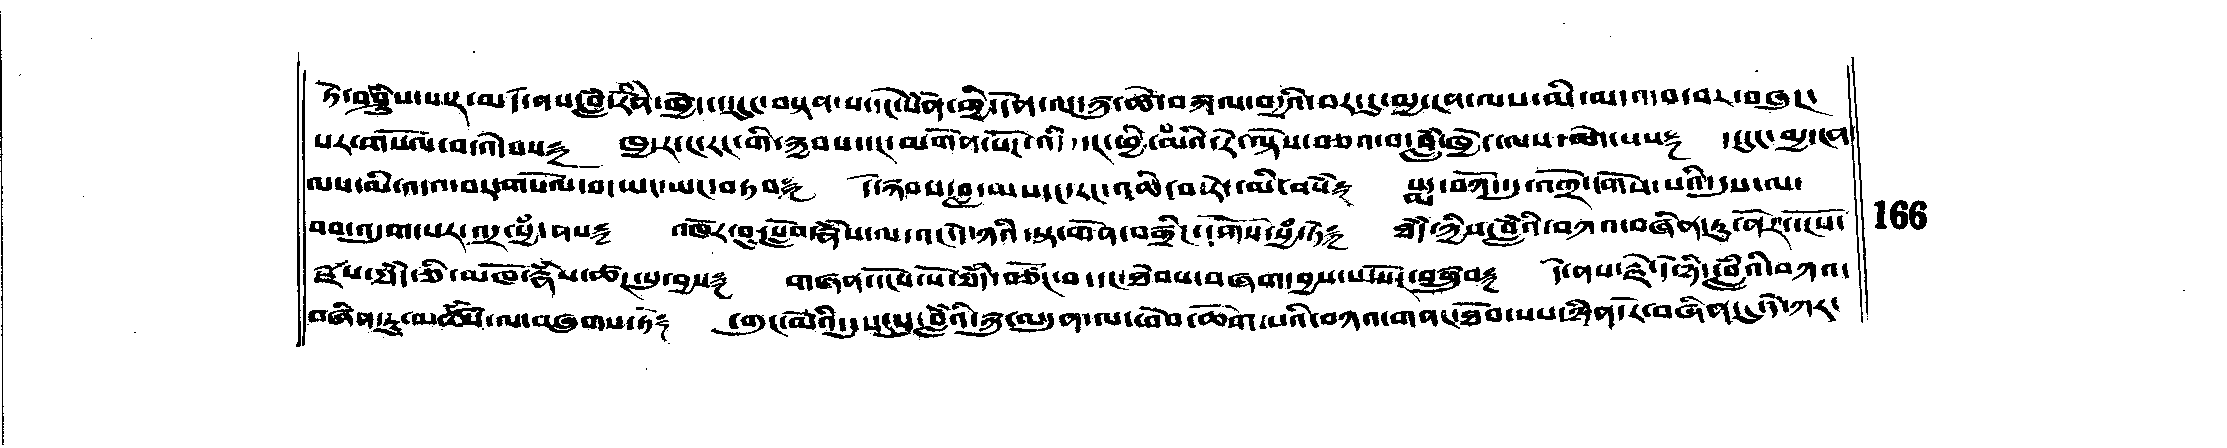ཏེ་བཤུམས་པར་མཛད་ནས་བླ་མ་རིན་པོ་ཆེ་ཁྱེད་ད་དུང་བསྟན་པ་དང་སེམས་ཅན་གྱི་དོན་ལ་སྐུ་ཚེ་བསྐལ་བརྒྱའི་བར་དུ་མྱ་ངན་ལས་མི་མདའ་བར་བཞུགས་
པར་གསོལ་བ་འདེབས། ཁྱད་པར་ང་རང་གི་སྐྱབས་དང་མགོན་སོགས་འདི་དང་ཕྱི་མའི་རེ་ལྟོས་བཅའ་བ་བླ་མ་ཁྱེད་ལས་མེད་པས། ད་དུང་མྱ་ངན་
ལས་མི་འདའ་བར་གསོལ་བ་ཡང་ཡང་བཏབ།དེ་སྐབས་བླ་མས་ང་རང་འཆི་བར་རེད་མི་བསམ། པདྨ་བཀོད་དུ་འགྲོ་དགོས་པའི་དུས་ལ་
བབ་འདུག་པར་འདྲ་གསུང་ནས། འཁོར་བུ་སློབ་རྣམས་ལའང་དེ་ཀའི་སྟ་གོན་བསྒྲིག་དགོས་གསུངས་ཏེ། ཐམས་ཅད་ཀྱིས་བླ་མའི་བཀའ་བཞིན་དུ་ནོར་དངོས་
རྫས་ཐམས་ཅད་ཅི་མཁོ་རྣམས་ཚགས་སུ་བྱས། གཞན་དངོས་པོ་ཐམས་ཅད་བཙོང་བ་དང་ཐེབས་བཞག་བྱས་པ་སོགས་བསྒྲུབ། དེ་ནས་རྗེ་དེ་ཉིད་བླ་མའི་བཀའ་
བཞིན་དུ་མཚམས་ལ་བཞུགས་ཏེ། དགུང་མོའི་དུས་སུ་བླ་མའི་སྐུ་མདུན་ལ་ཕེབས་ཆོག་པའི་བཀའ་གནང་ཐོབ་པས་ཉིན་རེ་བཞིན་དུ་དེ་ཀར་